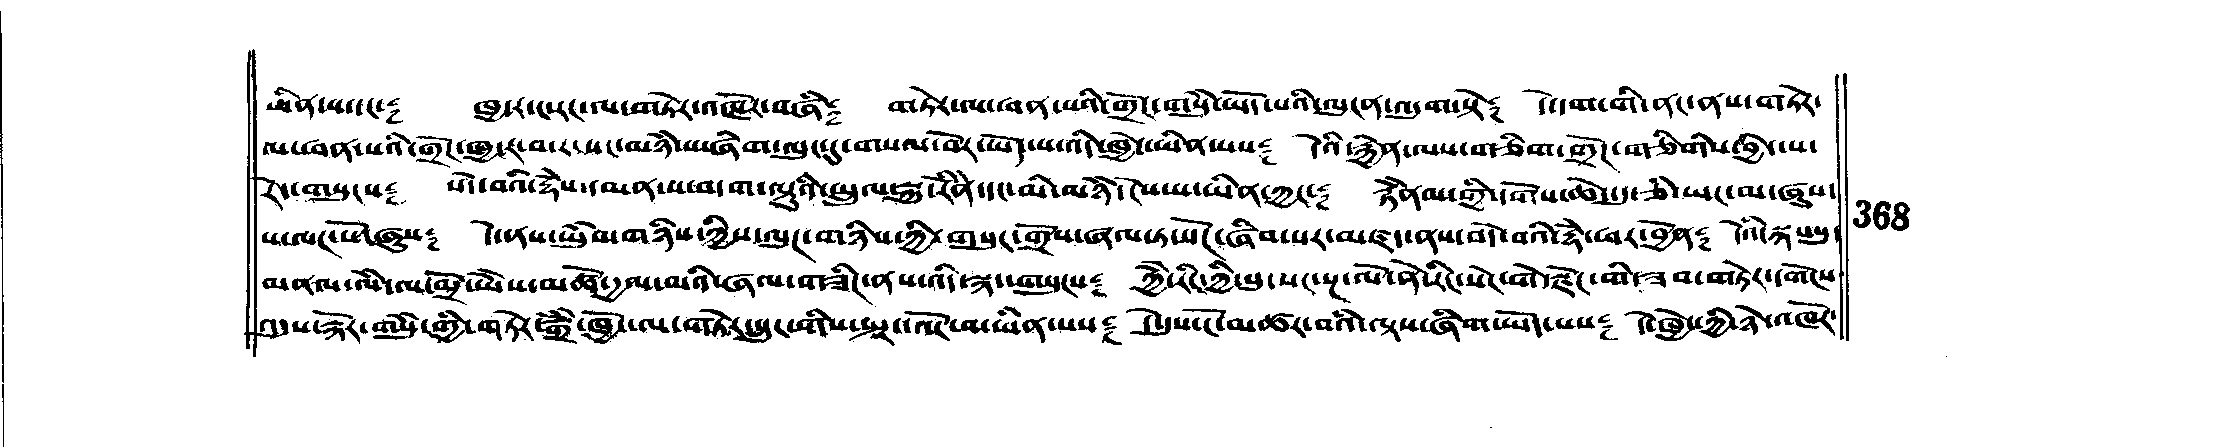ཡིན་པ་དང་། ཁྱད་པར་ང་རང་ལ་གཏེར་འཁོར་བཞི། གཏེར་ལ་ཕན་པའི་གྲོགས་གསུམ་ཡོད་པའི་ལུང་བསྟན་འདུག་སྟེ། དེ་དག་གི་ནང་ནས་གཏེར་
ལ་ཕན་པའི་གྲོགས་ཁྱད་པར་བ་རང་དང་མཉམ་པ་ཞིག་ལུང་དུ་གསལ་པོར་ཡོད་པ་འདི་ཁྱེད་ཡིན་པས། དེའི་རྐྱེན་ལས་གཅིག་གྲོགས་གཅིག་གིས་བྱེད་པ་
རེད་གསུངས། བདེ་བའི་རྡོ་རྗེས་དམན་པ་བདག་ལྟ་བུའི་སྤྲུལ་སྐུ་རིན་པོ་ཆེ་དང་མི་མཉམ་ངེས་པ་ཡིན་ཀྱང་། རྟེན་འབྲེལ་གྱི་དགོས་ཆེད་དུ་ཅི་ཡང་མ་ཞུས་
པ་ལགས་སོ་ཞུས། དེ་ནས་ཡབ་ཡུམ་གཉིས་ཀྱི་ལུགས་གཉིས་ཀྱི་གསུང་གྲོས་ཞལ་ཏ་སོགས་ཞིབ་པར་མཛད་ནས་བདེ་བའི་རྡོ་རྗེ་ཕར་བྱོན། དེའི་སྐབས་སུ་
མནལ་ལམ་ལ་མཁའ་འགྲོ་ཡེ་ཤེས་མཚོ་རྒྱལ་མའི་ཞལ་གཟིགས་ནས་འདི་སྐད་གསུངས། ཀྱཻ་རིགས་ཀྱི་བུ་སང་སྔ་མོ་ནེ་རིང་སེང་གེ་རྫོང་གི་ཟབ་གཏེར་དགོངས་
འདུས་སྐོར་གསུམ་གྱི་གཏེར་སྒྲོམ་ཁྱོད་ལ་གཏེར་སྲུང་གིས་སྤྲད་འོང་བ་ཡིན་པས། དེ་དུས་ངོ་མཚར་བའི་ལྟས་ཞིག་ཡོད་པས། དེ་ཁྱེད་ཀྱི་ཉེ་འཁོར་